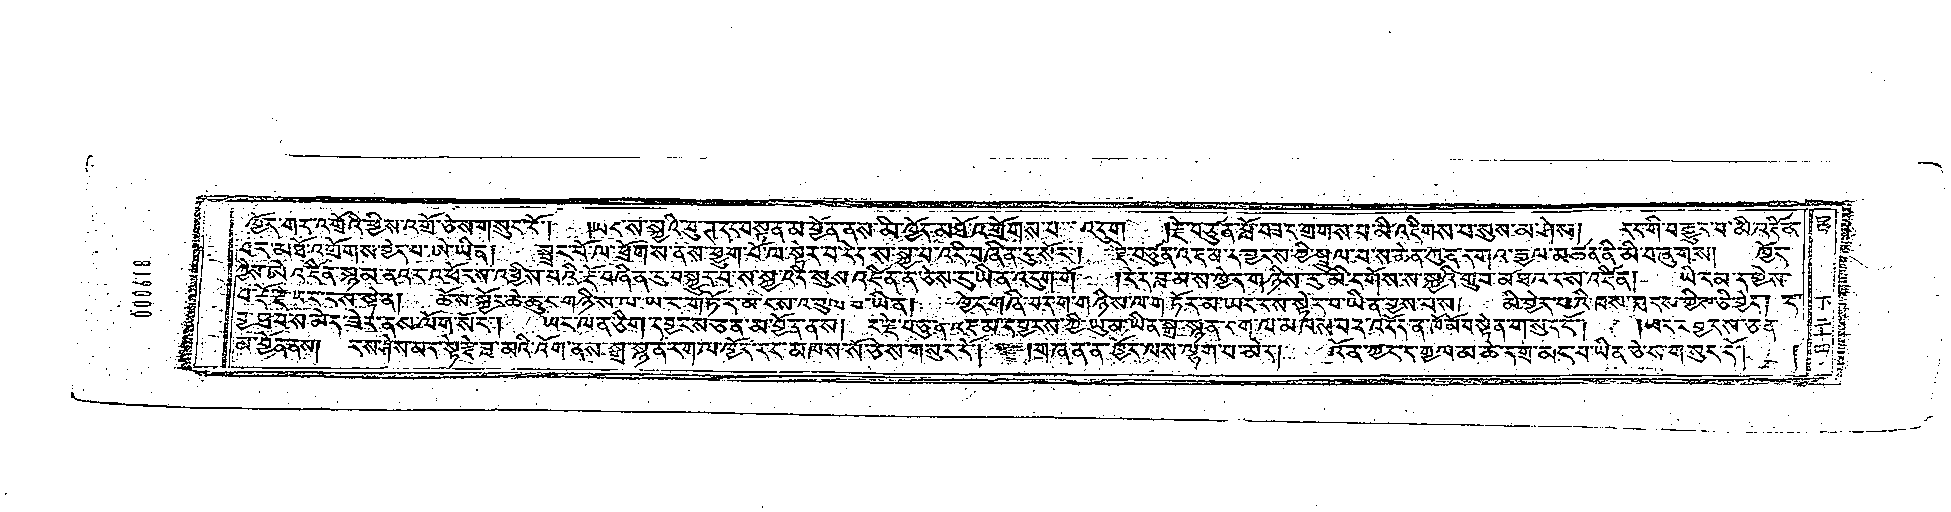ཁྱོད་གང་འགྲོའི་ཕྱིས་འགྲོ་ཅེས་གསུང་ངོ། །ཡང་ས་སྐྱའི་བུ་ཊ་དང་བསྟན་མ་བྱོན་ནས་མི་ཁྱོད་མཐོ་འགྲོགས་པ་འདུག །རྗེ་བཙུན་བློ་བཟང་གྲགས་པ་མི་འཇིགས་པ་སུས་མ་ཤེས། རང་གི་བརྒྱུད་པ་མི་འཛིན་
བར་མཐོ་འགྲོགས་བྱེད་པ་ཨེ་ཡིན། སྤྲང་པོ་ལ་ཕྲོགས་ནས་ཕྱུག་པོ་ལ་སྟེར་བ་དེང་ས་སྐྱ་པ་འདི་བཞིན་དུ་སོང་། རྗེ་བཙུན་འཇམ་དབྱངས་ཀྱི་སྤྲུལ་པ་ས་ཆེན་ཀུན་དགའ་རྒྱལ་མཚན་ནི་མི་བཞུགས། ཁྱོད་
ཀྱིས་ཨེ་འཛིན་སྙམ་ནའང་འཕོངས་འཕྱིས་པའི་རྡོ་བཞིན་དུ་བསྐྱུར་བ་ས་སྐྱ་འདི་སུས་འཛིན་ན་ཅེས་དུ་ཡིན་འདུག་གོ །དེར་བླ་མས་ཁྱེད་གཉིས་དུ་མི་དགོས་ས་སྐྱའི་གྲུབ་མཐའ་ངས་འཛིན། ཡི་དམ་དགྱེས་
བ་རྡོ་རྗེ་ཡང་ངས་སྟེ་ན། ཆོས་སྐྱོང་ཆེ་ཆུང་གཉིས་ལ་ཡང་གཏོང་མ་ངས་འབུལ་བ་ཡིན། ཁྱེད་གཞི་བདག་གཉིས་ལ་གཏོར་མ་ཡང་ངས་སྟེར་བ་ཡིན་བྱས་པས། མི་བྱེད་པའི་ཁས་བླངས་ཀྱིས་ཅི་བྱེད། ད་
བྱ་ཐབས་མེད་ཟེར་ནས་ལོག་སོང་། ཡང་ལན་ཅིག་དབྱངས་ཅན་མ་བྱོན་ནས། ང་རྗེ་བཙུན་འཇམ་དབྱངས་ཀྱི་ཡུམ་ཡིན་སྒྲ་སྙན་ངག་ལ་མཁས་བར་འདོད་ན་ཁོ་མོ་བསྟེན་གསུང་ངོ། །ཡང་དབྱངས་ཅན་
མ་བྱོན་ནས། ངས་ཤེས་མང་སྟེ་རྗེ་བླ་མའི་འོག་ནས་སྒྲ་སྙན་ངག་ལ་ཁྱོད་རང་མཁས་སོ་ཅེས་གསུང་ངོ། །གཞན་ན་ཁྱོད་ལས་ལྷག་པ་མེད། འོན་ཀྱང་ང་རྒྱལ་མ་ཆེ་དགྲ་མང་པ་ཡིན་ཅེས་གསུང་ངོ། །